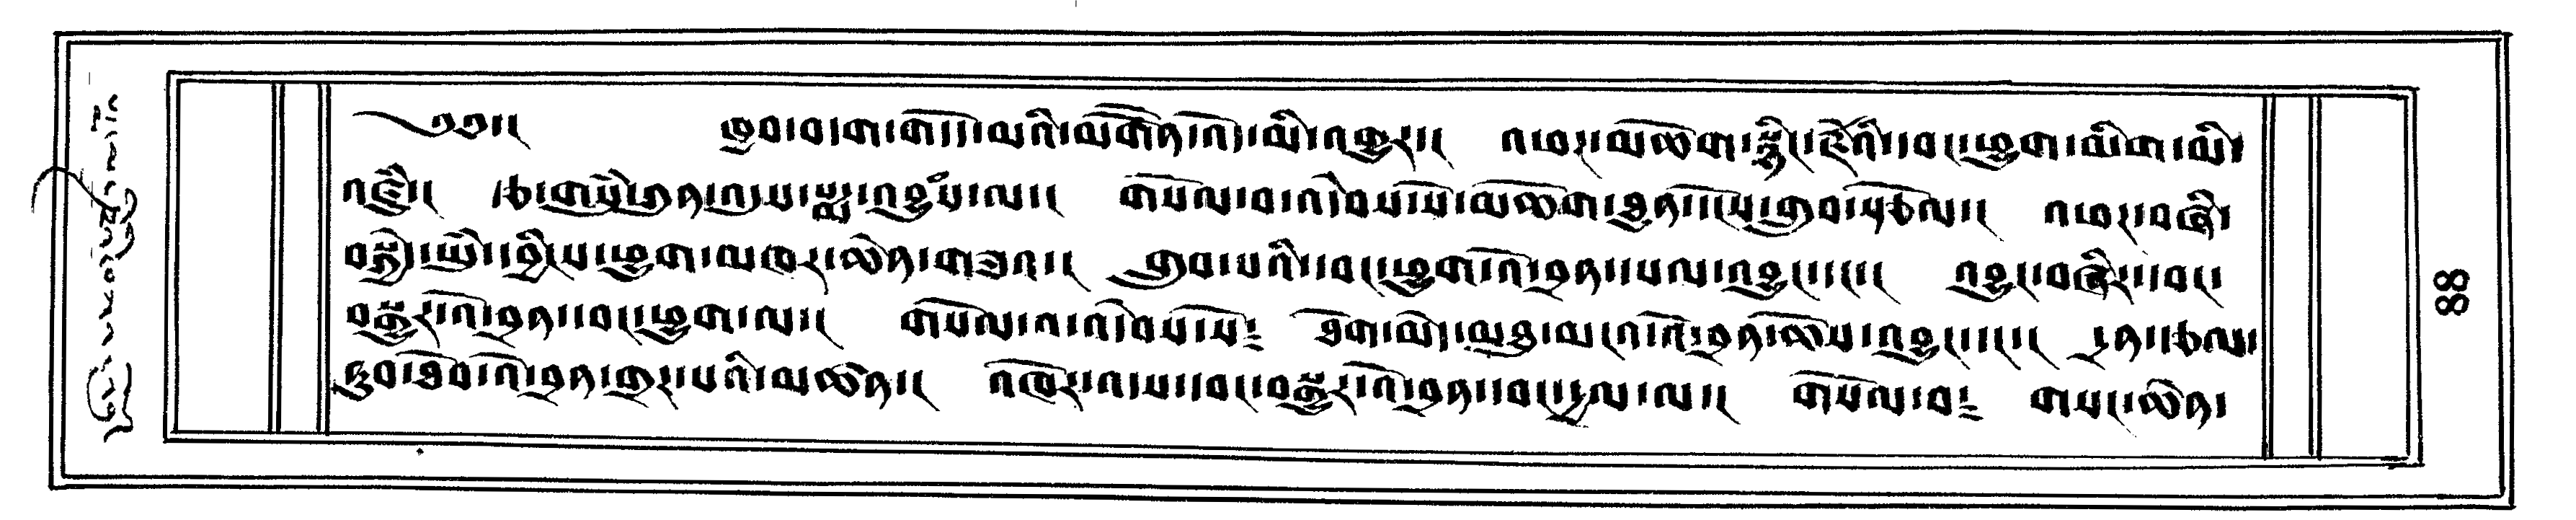༄༅། ཁྱབ་བདག་གདོད་མའི་མགོན་པོ་འོད་མི་འགྱུར། །འཕགས་མཆོག་སྙིང་རྗེའི་དབང་ཕྱུག་མིག་མི་
འཛུམ། །རྩ་གསུམ་ཀུན་འདུས་པདྨ་འབྱུང་གནས་ལ། །གསོལ་བ་འདེབས་སོ་མཆོག་ཐུན་དངོས་གྲུབ་སྩོལ། །འཕགས་བཞི་
བསྐྱེད་ཡུམ་དབྱིངས་ཕྱུག་མཁར་ཆེན་བཟའ། གྲུབ་པའི་དབང་ཕྱུག་འོ་བྲན་དཔལ་འབྱུང་དང་། །འབྱུང་བཞིར་དབང་
སྒྱུར་འོ་བྲན་དབང་ཕྱུག་ལ། །གསོལ་བ་འདེབས་སོ༴ ཐོགས་མེད་མཐུ་མངའ་འོ་བྲན་ཆོས་འབྱུང་དང་། །དྲག་རྩལ་
ནུས་ཐོབ་འོ་བྲན་གྲགས་པའི་མཚན། །འཁོར་འདས་དབང་སྒྱུར་འོ་བྲན་དབང་རྒྱལ་ལ། །གསོལ་བ༴ གསང་ཆེན་